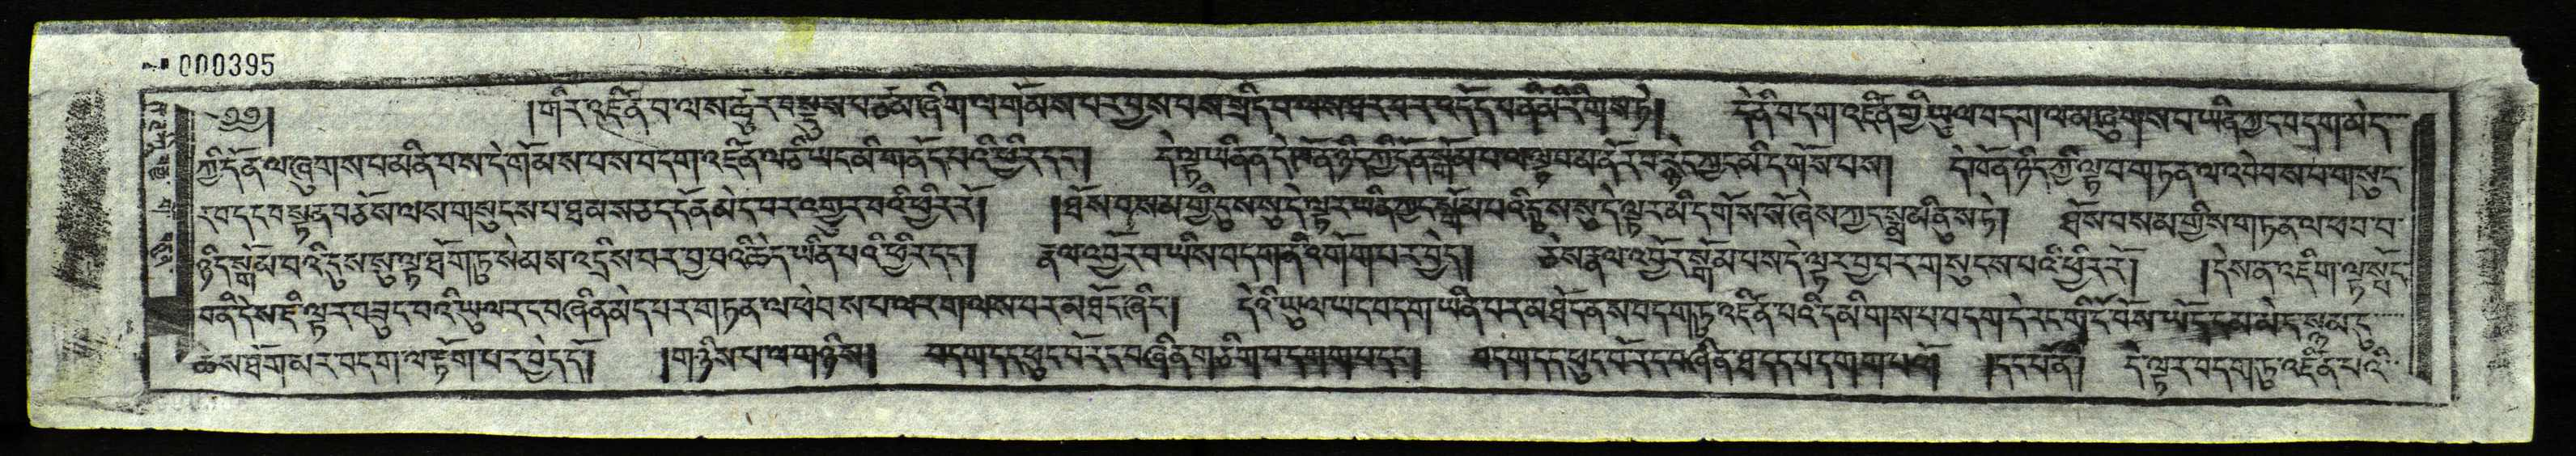༄༅། །གིར་འཛིན་བ་ལས་ཚུར་བསྡུས་པ་ཙམ་ཞིག་ལ་གོམས་པར་བྱས་པས་སྲིད་པ་ལས་ཐར་བར་འདོད་པ་ནི་མི་རིགས་ཏེ། དེ་ནི་བདག་འཛིན་གྱི་ཡུལ་བདག་ལ་མ་ཞུགས་པ་ཡིན་ཀྱང་བདག་མེད་
ཀྱི་དོན་ལ་ཞུགས་པ་མིན་པས་དེ་གོམས་པས་བདག་འཛིན་ལ་ཅི་ཡང་མི་གནོད་པའི་ཕྱིར་དང་། དེ་ལྟ་ཡིན་ན་དེ་ཁོ་ན་ཉིད་ཀྱི་དོན་སྒོམ་པ་ལ་ལྟ་བ་མ་ནོར་བ་རྙེད་ཀྱང་མི་དགོས་པས། དེ་ཁོ་ན་ཉིད་ཀྱི་ལྟ་བ་གཏན་ལ་འབེབས་པ་གསུང་
རབ་དང་བསྟན་བཅོས་ལས་གསུངས་པ་ཐམས་ཅད་དོན་མེད་པར་འགྱུར་བར་འགྱུར་བའི་ཕྱིར་རོ། །ཐོས་བསམ་གྱི་དུས་སུ་དེ་ལྟར་ཡིན་ཀྱང་སྒོམ་པའི་དུས་སུ་དེ་ལྟར་མི་དགོས་སོ་ཞེས་ཀྱང་སྨྲ་མི་ནུས་ཏེ། ཐོས་བསམ་གྱིས་གཏན་ལ་ཕབ་པ་
ཉིད་སྒོམ་པའི་དུས་སུ་ལྟ་ཐོག་ཏུ་སེམས་འདྲིས་བར་བྱ་བའི་ཆེད་ཡིན་པའི་ཕྱིར་དང་། རྣལ་འབྱོར་པ་ཡིས་བདག་ནི་འགོག་པར་བྱེད། ཅེས་རྣལ་འབྱོར་སྒོམ་པས་དེ་ལྟར་བྱ་བར་གསུངས་པའི་ཕྱིར་དང་། །དེས་ན་འཇིག་ལྟ་སྤོང་
བ་ནི་དེས་ཇི་ལྟར་བཟུང་བའི་ཡུལ་རང་བཞིན་མེད་པར་གཏན་ལ་ཕེབས་པ་ལ་རག་ལས་པར་མཐོང་ཞིང་། དེའི་ཡུལ་ཡང་བདག་ཡིན་པར་མཐོང་ནས་བདག་ཏུ་འཛིན་པའི་དམིགས་པ་བདག་དེ་རང་གི་ངོ་བོས་ཡོད་དམ་མེད་སྙམ་དུ་
ཆེས་ཐོག་མར་བདག་ལ་རྟོག་པར་བྱེད་དོ། །གཉིས་པ་ལ་གཉིས། བདག་དང་ཕུང་པོ་རང་བཞིན་གཅིག་པ་དགག་པ་དང་། བདག་དང་ཕུང་པོ་རང་བཞིན་ཐ་དད་པ་དགག་པའོ། །དང་པོ་ནི། དེ་ལྟར་བདག་ཏུ་འཛིན་པའི་